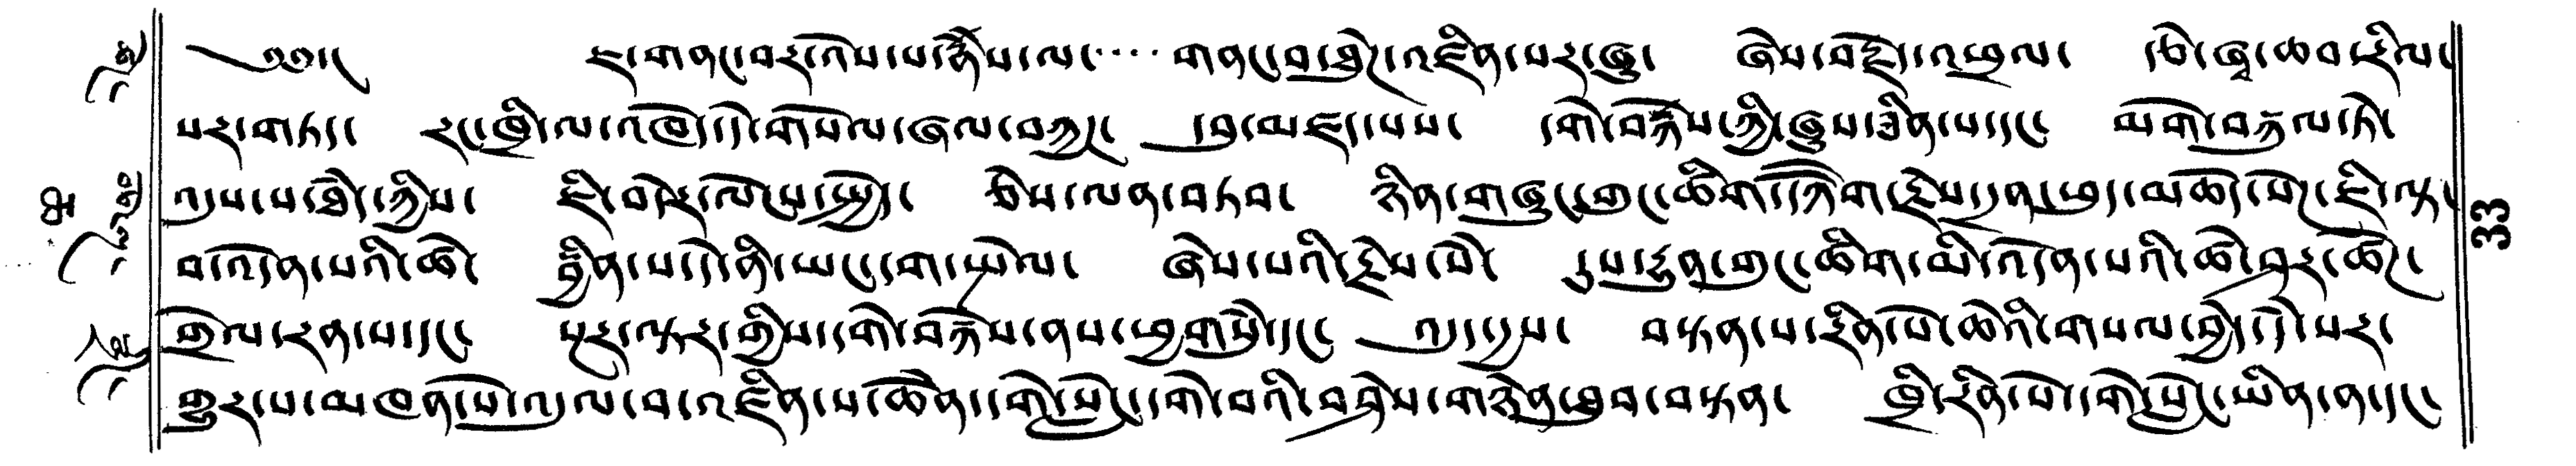ཇ་གནང་བར་འོས་པ་རྣམས་ལ་གནང་བ་ཐུགས་རྗེས་འཛིན་པར་ཞུ། ཞེས་བརྗོད་འཕྲལ། རྩེ་ཞྭ་ཆབ་རིལ་
པར་གཏད། རང་ཁྲི་ལ་འཁོད་དེ་གསོལ་ཞལ་བཀྱགས། དབུ་མཛད་པས། དགེ་བསྐོས་ཀྱི་ཞུས་ཟིན་པ་དང་། མགོ་བསྐུལ་ཏེ་
འདུས་པ་ཐམས་ཅད་ཀྱིས། ཇི་བདེར་ལོངས་སྤྱོད། ཅེས་ལན་བཏབ། ཉིན་གཞུང་གུང་ཚིག་དཀོན་མཆོག་རྗེས་དྲན་ཕུད་མཆོད་སོགས་ཇི་ལྟ་
བ་འདོན་པའི་ཚེ། སྦྱིན་པ་དེ་ནི་ཡང་དག་སྤེལ། ཞེས་པའི་རྗེས་སམ། དུས་རྒྱུན་གུང་ཚིག་མི་འདོན་པའི་ཚེ་ཤར་ཚོགས་
གྲོལ་རན་པ་དང་། སྔར་ལྟར་གྱིས་གེ་བསྐོས་ནས་ཕྱག་གསུམ་དག་འདུད་རྒྱས། བསྟན་པ་རིན་པོ་ཆེའི་གསལ་བྱེད་དམ་པར་
གྱུར་པ་མཁན་པོ་འདུལ་བ་འཛིན་པ་ཆེན་པོ་དགེ་སློང་དགེ་བའི་བཤེས་གཉེན་ཐུབ་བསྟན་ཁྲི་རིན་པོ་དགེ་སློང་ཡིན་ན་དང་